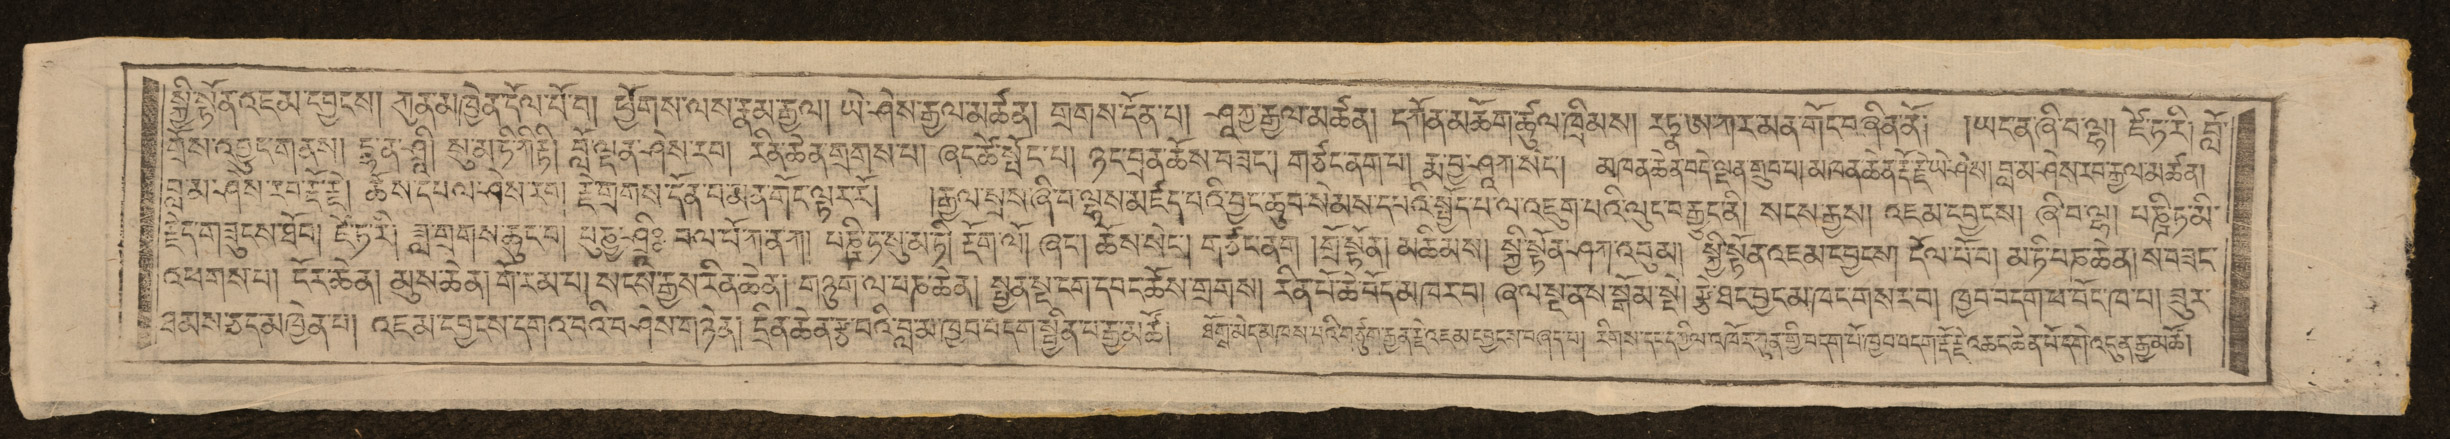སྐྱི་སྟོན་འཇམ་དབྱངས། ཀུན་མཁྱེན་དོལ་པོ་བ། ཕྱོགས་ལས་རྣམ་རྒྱལ། ཡེ་ཤེས་རྒྱལ་མཚན། གྲགས་དོན་པ། ཤཱཀྱ་རྒྱལ་མཚན། དཀོན་མཆོག་ཚུལ་ཁྲིམས། རྟན་ཨ་ཀ་མ་ནམ་གོང་བཞིན་ནོ། །ཡང་ན་ཞི་བ་ལྷ། ཛེ་ཏ་རི། བློ་
གྲོས་འབྱུང་གནས། དྷ་ན་ཤྲཱི། སུ་མ་ཏི་ཀིརྟི། བློ་ལྡན་ཤེས་རབ། རིན་ཆེན་གྲགས་པ། ཞང་ཚེ་སྤོང་བ། ཉང་བྲན་ཆོས་བཟང་། གཙང་ནག་པ། རྨ་བྱ་ཤཱཀ་སེང་། མཁན་ཆེན་བདེ་ལྡན་གྲུབ་པ། མཁན་ཆེན་རྡོ་རྗེ་ཡེ་ཤེས། བླ་མ་ཤེས་རབ་རྒྱལ་མཚན།
བླ་མ་ཤེས་རབ་རྡོ་རྗེ། ཆོས་དཔལ་ཤེས་རབ། རྗེ་གྲགས་དོན་པ་མན་གོང་ལྟར་རོ། །རྒྱལ་སྲས་ཞི་པ་ལྷས་མཛད་པའི་བྱང་ཆུབ་སེམས་དཔའི་སྤྱོད་པ་ལ་འཇུག་པའི་ལུང་བརྒྱུད་ནི། སངས་རྒྱས། འཇམ་དབྱངས། ཞི་པ་ལྷ། པཎྜི་ཏ་མི་
རྗེད་གཟུགས་ཐོབ། ཛེ་ཏ་རི། ཟླ་གྲགས་ཆུང་བ། པ་ནྱ་ཤྲཱིཿ བལ་པོ་ཀན་ཀ། པཎྜི་ཏ་སུམ་ཏི། རྔོག་ལོ། ཞྣག། ཆོས་སེང་། གཙང་ནག །གྲོ་གཏོན། མཆིམས། སྐྱི་སྟོན་ཤྐ་འབུམ། སྐྱི་སྟོན་འཇམ་དབྱངས། དོལ་པོ་བ། མ་ཏི་པཎ་ཆེན། ས་བཟང་
འཕགས་པ། ངོར་ཆེན། མུས་ཆེན། གོ་རམ་པ། སངས་རྒྱས་རིན་ཆེན། གཉུག་ལ་པཎ་ཆེན། སྤྱན་སྔ་ངག་དབང་ཆོས་གྲགས། རིན་པོ་ཆེ་བོད་མཁར་བ། ཞལ་སྔ་ནས་སྒོམ་སྡེ། རྩེ་ཐང་བྱང་མ་ཁང་གསར་བ། ཁྱབ་བདག་ཕ་བོང་ཁ་པ། ཟུར་
ཐམས་ཅད་མཁྱེན་པ། འཇམ་དབྱངས་དགའ་བའི་བཤེས་གཉེན། དྲིན་ཆེན་རྩ་བའི་བླ་མ་ཁྱབ་བདག་སྦྱིན་པ་རྒྱ་མཚོ། ཐོགས་མེད་མཁས་པའི་གཙུག་རྒྱན་རྗེ་འཇམ་དབྱངས་བཞད་པ། རིགས་དང་དཀྱིལ་འཁོར་ཀུན་གྱི་བདག་པོ་ཁྱབ་བདག་རྡོ་རྗེ་འཆང་ཆེན་པོ་དགེ་འདུན་རྒྱ་མཚོ།